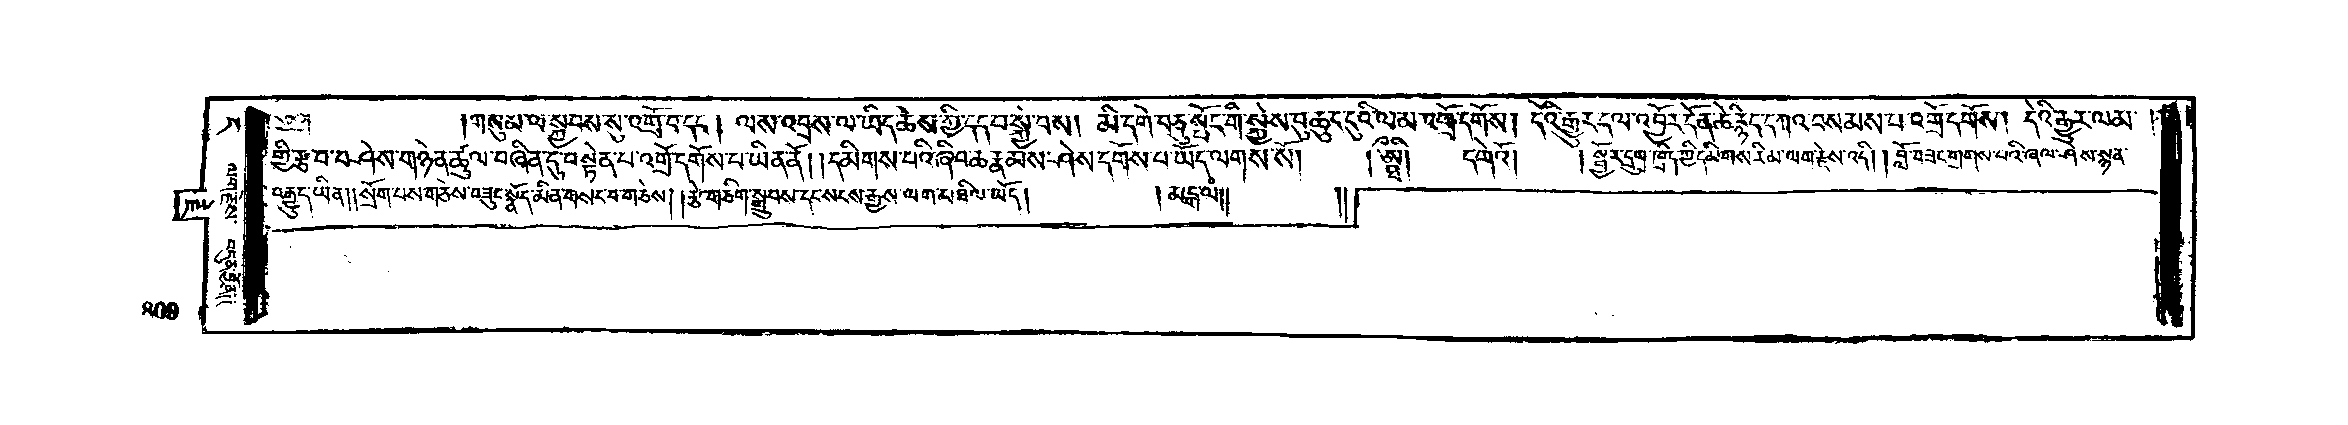༄༅། །གསུམ་ལ་སྐྱབས་སུ་འགྲོ་བ་དང་། ལས་འབྲས་ལ་ཡིད་ཆེས་ཀྱི་དད་པ་སྐྱེ་བ། མི་དགེ་བཅུ་སྤོང་གི་སྐྱེས་བུ་ཆུང་ངུའི་ལམ་འགྲོ་དགོས། དེའི་རྒྱུར་དལ་འབྱོར་དོན་ཆེ་རྙེད་དཀའ་བསམས་པ་འགྲོ་དགོས། དེའི་རྒྱུར་ལམ་
གྱི་རྩ་བ་བཤེས་གཉེན་ཚུལ་བཞིན་དུ་བསྟེན་པ་འགྲོ་དགོས་པ་ཡིན་ནོ། །དམིགས་པའི་ཞིབ་ཆ་རྣམས་ཤེས་དགོས་པ་ཡོད་ལགས་སོ། །ཨྀ་ཐི། དགེའོ། ། སྦྱོར་དྲུག་ཁྲིད་ཀྱི་དམིགས་རིམ་ལག་རྗེས་འདི། །བློ་བཟང་གྲགས་པའི་ཞལ་ཤེས་སྙན་
བརྒྱུད་ཡིན། །སྲོག་པས་གཅེས་བཟུང་སྣོད་མིན་གསང་བ་གཅེས། །རྩེ་གཅིག་སྒྲུབས་དང་སངས་རྒྱས་ལག་མཐིལ་ཡོད། །མངྒ་ལཾ།། །།